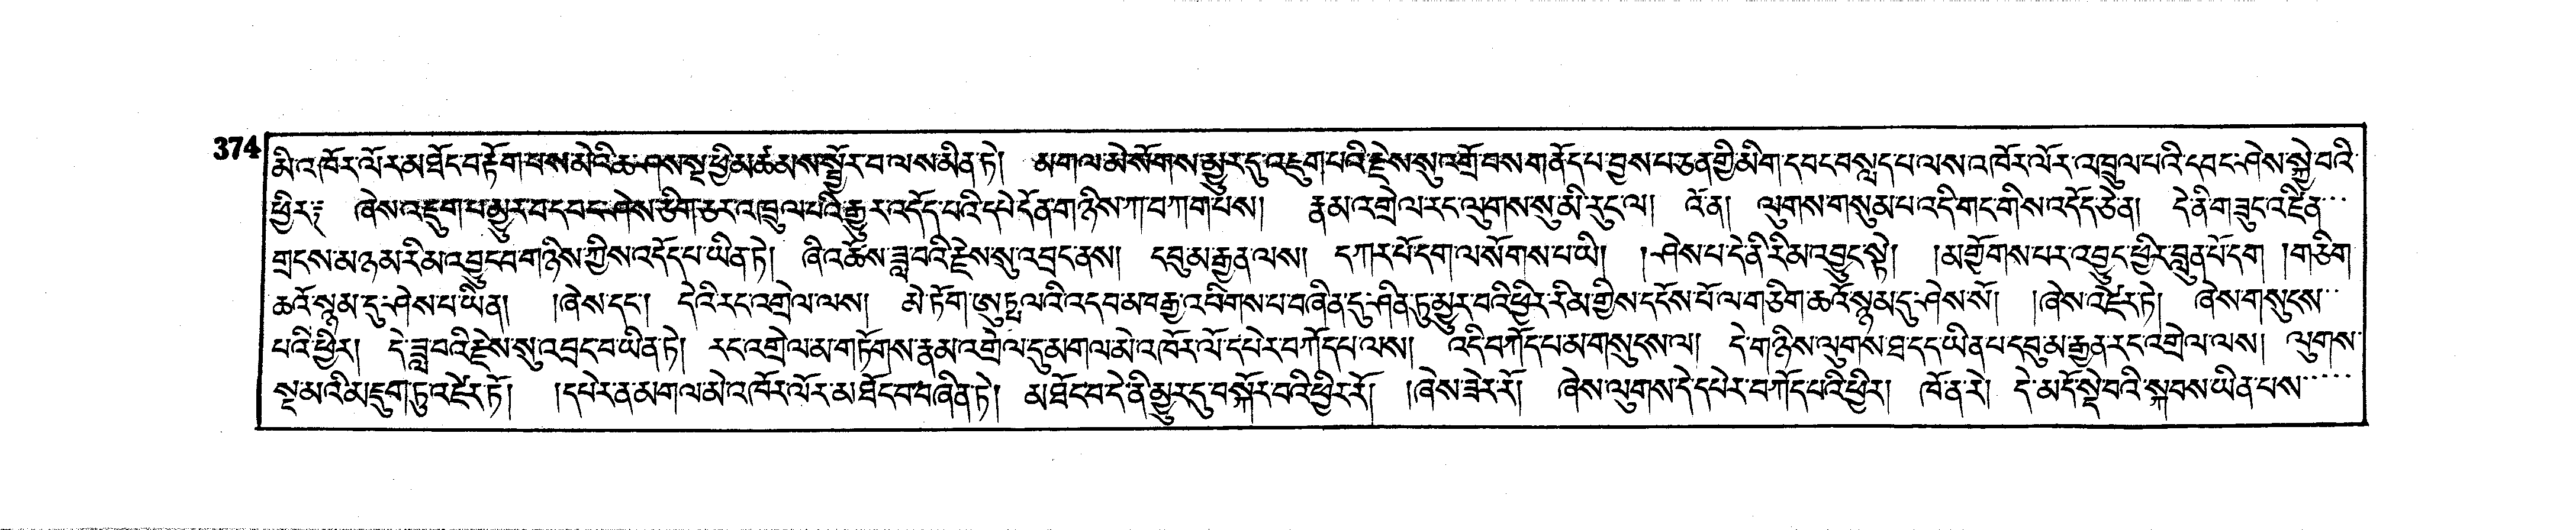མི་འཁོར་ལོར་མཐོང་བ་རྟོག་པས་མེའི་ཆ་ཤས་སྔ་ཕྱི་མཚམས་སྦྱོར་བ་ལས་མིན་ཏེ། མགལ་མེ་སོགས་མྱུར་དུ་འཇུག་པའི་རྗེས་སུ་འགྲོ་བས་གནོད་པ་བྱས་པ་ཅན་གྱི་མིག་དབང་བསླད་པ་ལས་འཁོར་ལོར་འཁྲུལ་པའི་དབང་ཤེས་སྐྱེ་བའི་
ཕྱིར༑ ཞེས་འཇུག་པ་མྱུར་བ་དབང་ཤེས་ཅིག་ཅར་འཁྲུལ་པའི་རྒྱུར་འདོད་པའི་དཔེ་དོན་གཉིས་ཀ་བཀག་པས། རྣམ་འགྲེལ་རང་ལུགས་སུ་མི་རུང་ལ། འོ་ན། ལུགས་གསུམ་པ་འདི་གང་གིས་འདོད་ཅེ་ན། དེ་ནི་གཟུང་འཛིན་
གྲངས་མཉམ་རིམ་འབྱུང་བ་གཉིས་ཀྱིས་འདོད་པ་ཡིན་ཏེ། ཞི་འཚོས་ཟླ་བའི་རྗེས་སུ་འབྲང་ནས། དབུ་མ་རྒྱན་ལས། དཀར་པོ་དག་ལ་སོགས་པ་ཡི། །ཤེས་པ་དེ་ནི་རིམ་འབྱུང་སྟེ། །མགྱོགས་པར་འབྱུང་ཕྱིར་བླུན་པོ་དག །གཅིག་
ཆའོ་སྙམ་དུ་ཤེས་པ་ཡིན། །ཞེས་དང་། དེའི་རང་འགྲེལ་ལས། མེ་ཏོག་ཨུཏྤལའི་འདབ་མ་བརྒྱ་འབིགས་པ་བཞིན་དུ་ཤིན་ཏུ་མྱུར་བའི་ཕྱིར་རིམ་གྱིས་དངོས་པོ་ལ་གཅིག་ཆའོ་སྙམ་དུ་ཤེས་སོ། །ཞེས་འཛེར་ཏེ། ཞེས་གསུངས་
པའི་ཕྱིར། དེ་ཟླ་བའི་རྗེས་སུ་འབྲང་བ་ཡིན་ཏེ། རང་འགྲེལ་མ་གཏོགས་རྣམ་འགྲེལ་དུ་མགལ་མེ་འཁོར་ལོ་དཔེར་བཀོད་པ་ལས། འདི་བཀོད་པ་མ་གསུངས་ལ། དེ་གཉིས་ལུགས་ཐ་དད་ཡིན་པ་དབུ་མ་རྒྱན་རང་འགྲེལ་ལས། ལུགས་
སྔ་མའི་མཇུག་ཏུ་འཛེར་ཏོ། །དཔེར་ན་མགལ་མེ་འཁོར་ལོར་མཐོང་བ་བཞིན་ཏེ། མཐོང་བ་དེ་ནི་མྱུར་དུ་བསྐོར་བའི་ཕྱིར་རོ། །ཞེས་ཟེར་རོ། ཞེས་ལུགས་དེ་དཔེར་བཀོད་པའི་ཕྱིར། ཁོ་ན་རེ། དེ་མདོ་སྡེ་བའི་སྐབས་ཡིན་པས་